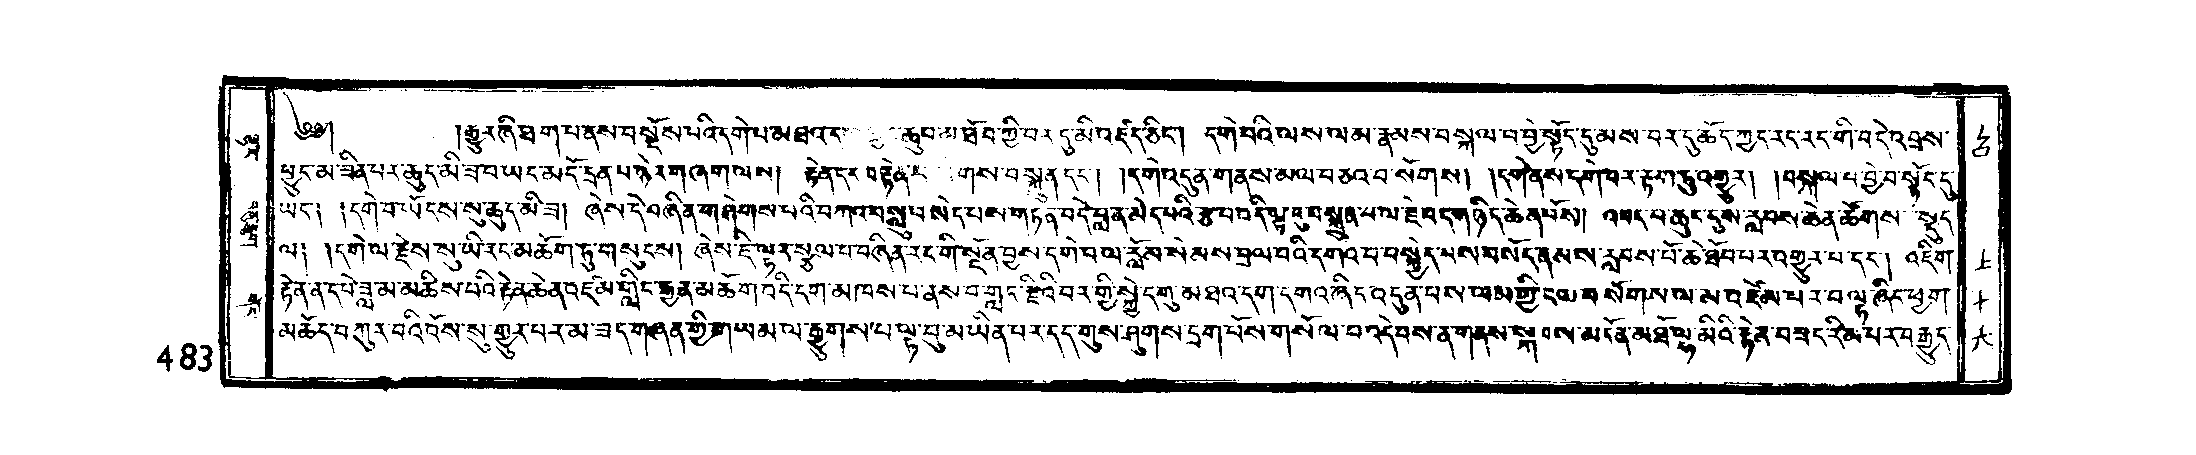༄༅། །རྒྱུར་ཞི་ཐག་པ་ནས་བསྔོས་པའི་དགེ་བ་མཐའ་དག་བྱང་ཆུབ་མ་ཐོབ་ཀྱི་བར་དུ་མི་འཛད་ཅིང་། དགེ་བའི་ལས་ལམ་རྣམས་བསྐལ་བ་བྱེ་སྟོང་དུ་མས་བར་དུ་ཆོད་ཀྱང་རང་རང་གི་བདེ་འབྲས་
ཕྱུང་མ་ཟིན་པར་ཆུད་མི་ཟ་བ་ཡང་མདོ་དྲན་པ་ཉེར་གཞག་ལས། རྟེན་དར་བརྟེན་པ་ལེགས་བསྐྲུན་དང་། །དགེ་འདུན་གནས་མལ་བཅའ་བ་སོགས། །དགེ་ནས་དགེ་བར་རྟག་ཏུ་འགྱུར། །བསྐལ་པ་བྱེ་བ་སྟོང་དུ་
ཡང་། །དགེ་བ་ཡོངས་སུ་ཆུད་མི་ཟ། ཞེས་དེ་བཞིན་གཤེགས་པའི་བཀའ་བསླུ་བ་མེད་པས་གཏན་བདེ་བླ་ན་མེད་པའི་རྩ་བ་འདི་ལྟ་བུ་བསྐྲུན་པ་ལ་རྗེ་བདག་ཉིད་ཆེན་པོས། འབད་པ་ཆུང་དུས་རླབས་ཆེན་ཚོགས་སྡུད་
ལ། །དགེ་ལ་རྗེས་སུ་ཡི་རང་མཆོག་ཏུ་གསུངས། ཞེས་ཇི་ལྟར་སྩལ་བ་བཞིན་རང་གི་སྔོན་བྱས་དགེ་བ་ལ་རློམ་སེམས་བྲལ་བའི་དགའ་བ་བསྐྱེད་པས་བསོད་ནམས་རླབས་པོ་ཆེ་ཐོབ་པར་འགྱུར་པ་དང་། འཇིག་
རྟེན་ན་དཔེ་ཟླ་མ་མཆིས་པའི་རྟེན་ཆེན་འཛམ་གླིང་རྒྱན་མཆོག་འདི་དག་མཁས་པ་ནས་བ་གླང་རྫིའི་བར་གྱི་སྐྱེ་དགུ་མཐའ་དག་དགའ་ཞིང་འདུན་པས་ལམ་གྱི་ངལ་བ་སོགས་ལ་མ་འཛེམ་པར་བལྟ་ཞིང་ཕྱག་
མཆོད་བཀུར་བའི་འོས་སུ་གྱུར་པར་མ་ཟད་གཞན་གྱི་གཡམ་ལ་རྒྱུགས་པ་ལྟ་བུ་མ་ཡིན་པར་དད་གུས་ཤུགས་དྲག་པོས་གསོལ་བ་འདེབས་ན་གནས་སྐབས་མངོན་མཐོ་ལྷ་མིའི་རྟེན་བཟང་རིམ་པར་བརྒྱུད་